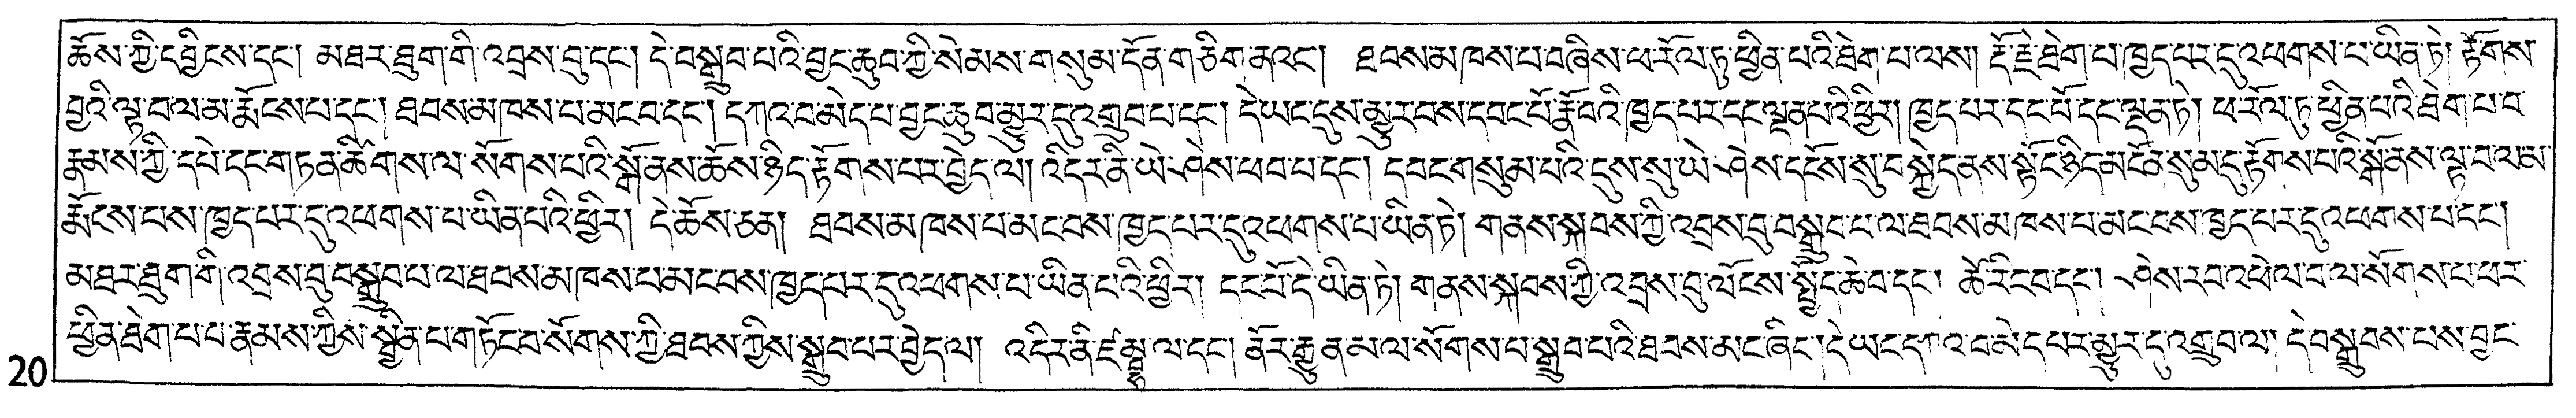ཆོས་ཀྱི་དབྱིངས་དང་། མཐར་ཐུག་གི་འབྲས་བུ་དང་། དེ་བསྒྲུབ་པའི་བྱང་ཆུབ་ཀྱི་སེམས་གསུམ་དོན་གཅིག་ནའང་། ཐབས་མཁས་པ་བཞིས་ཕ་རོལ་ཏུ་ཕྱིན་པའི་ཐེག་པ་ལས། རྡོ་རྗེ་ཐེག་པ་ཁྱད་པར་དུ་འཕགས་པ་ཡིན་ཏེ། རྟོགས་
བྱའི་ལྟ་བ་ལ་མ་རྨོངས་པ་དང་། ཐབས་མཁས་པ་མང་བ་དང་། དཀའ་བ་མེད་པ་བྱང་ཆུབ་མྱུར་དུ་འགྲུབ་པ་དང་། དེ་ཡང་དུས་མྱུར་བས་དབང་པོ་རྣོ་བའི་ཁྱད་པར་དང་ལྡན་པའི་ཕྱིར། ཁྱད་པར་དང་པོ་དང་ལྡན་ཏེ། ཕ་རོལ་ཏུ་ཕྱིན་པའི་ཐེག་པ་བ་
རྣམས་ཀྱི་དཔེ་དང་གཏན་ཚིགས་ལ་སོགས་པའི་སྒོ་ནས་ཆོས་ཉིད་རྟོགས་པར་བྱེད་ལ། འདིར་ནི་ཡེ་ཤེས་ཕབ་པ་དང་། དབང་གསུམ་པའི་དུས་སུ་ཡེ་ཤེས་དངོས་སུ་བསྐྱེད་ནས་སྟོང་ཉིད་མངོན་སུམ་དུ་རྟོགས་པའི་སྒོ་ནས་ལྟ་བ་ལ་མ་
རྨོངས་པས་ཁྱད་པར་དུ་འཕགས་པ་ཡིན་པའི་ཕྱིར། དེ་ཆོས་ཅན། ཐབས་མཁས་པ་མང་བས་ཁྱད་པར་དུ་འཕགས་པ་ཡིན་ཏེ། གནས་སྐབས་ཀྱི་འབྲས་བུ་བསྒྲུབ་པ་ལ་ཐབས་མཁས་པ་མང་བས་ཁྱད་པར་དུ་འཕགས་པ་དང་།
མཐར་ཐུག་གི་འབྲས་བུ་བསྒྲུབ་པ་ལ་ཐབས་མཁས་པ་མང་བས་ཁྱད་པར་དུ་འཕགས་པ་ཡིན་པའི་ཕྱིར། དང་པོ་དེ་ཡིན་ཏེ། གནས་སྐབས་ཀྱི་འབྲས་བུ་ལོངས་སྤྱོད་ཆེ་བ་དང་། ཚེ་རིང་བ་དང་། ཤེས་རབ་འཕེལ་བ་ལ་སོགས་པ་ཕར་
ཕྱིན་ཐེག་པ་པ་རྣམས་ཀྱིས་སྦྱིན་པ་གཏོང་བ་སོགས་ཀྱི་ཐབས་ཀྱིས་སྒྲུབ་པར་བྱེད་ལ། འདིར་ནི་ཛམྦྷ་ལ་དང་། ནོར་རྒྱུན་མ་ལ་སོགས་པ་སྒྲུབ་པའི་ཐབས་མང་ཞིང་། དེ་ཡང་དཀའ་བ་མེད་པར་མྱུར་དུ་འགྲུབ་ལ། དེ་བསྒྲུབས་པས་བྱང་